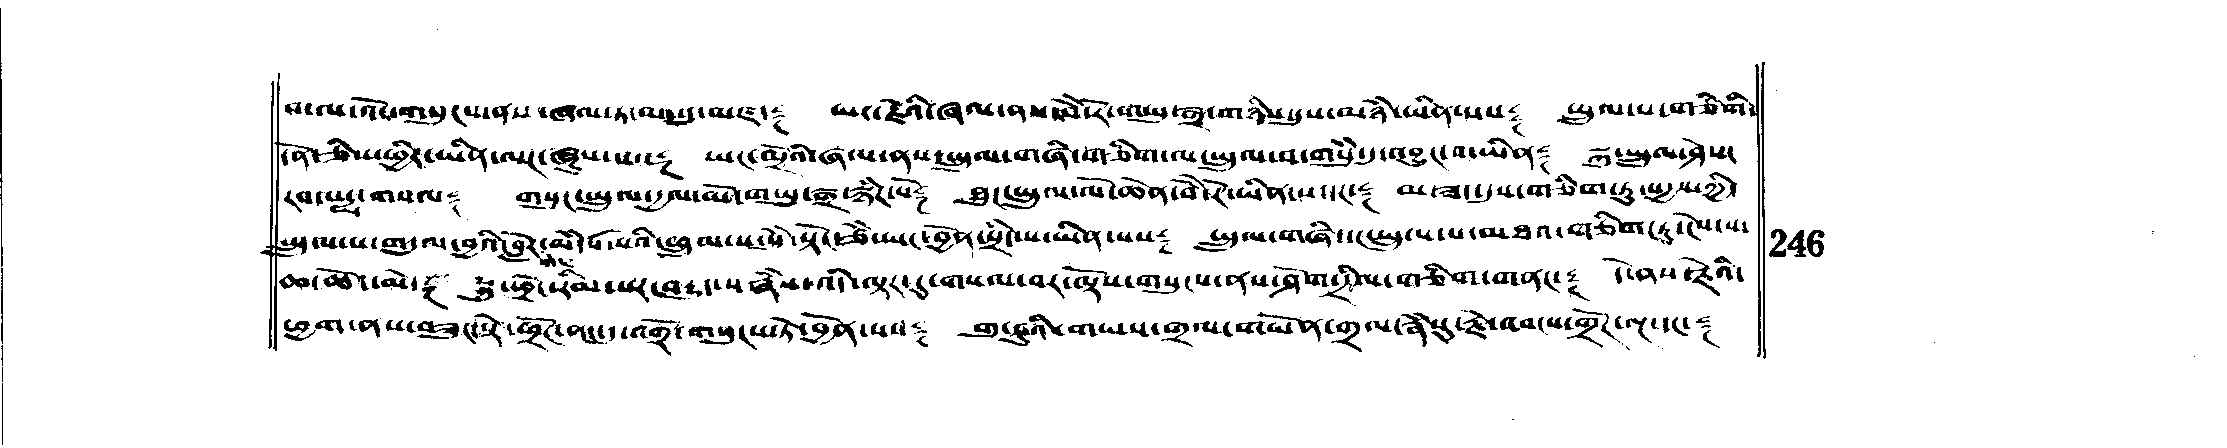བ་ལ་འོང་གསུངས་ནས་ཞལ་ཏ་མང་དུ་མཛད། ཡང་རྗེའི་ཞལ་ནས་བཻ་རོ་གཡུ་སྒྲ་གཉིས་དུས་མཉམ་ཡིན་པས། སྤྲུལ་པ་གཅིག་གི་
དོན་ཅིས་ཕྱིར་ཡིན་ལགས་ཞུས་པ། ཡང་མཁའ་འགྲོ་ཞལ་ནས་སྤྲུལ་གཞི་གཅིག་ལ་སྤྲུལ་པ་གསུམ་དུ་འབྱུང་བ་ཡིན། སྐུ་སྤྲུལ་ཤེས་
རབ་པདྨ་གསལ། གསུང་སྤྲུལ་རྒྱལ་མོ་གཡུ་སྒྲ་སྙིང་པོ། ཐུགས་སྤྲུལ་ལོ་ཆེན་བཻ་རོ་ཡིན་པ་དང་། མ་ཟད་དུས་གཅིག་ཏུ་སངས་རྒྱས་ཀྱི་
སྤྲུལ་པ་གདུལ་བྱའི་བློ་དང་འཚམས་པའི་སྤྲུལ་པ་སུམ་སྟོང་ཙམ་ཡང་བྱོན་སྲིད་པ་ཡིན་པས། སྤྲུལ་གཞི་དང་སྤྲུལ་པ་མཐའ་གཅིག་ཏུ་ངེས་པ་
ཆ་ཚོད་མེད། སྐུ་ཕྲེང་རིམ་པར་བརྒྱུད་པ་རྣམས་འདི་ལྟར་དུ་གསལ་བར་ལྟོས་གསུངས་ནས་ཤོག་དྲིལ་གཅིག་གནང་། དེ་ནས་རྗེའི་
ཕྱག་ནས་བཟུང་སྟེ་ཕོ་བྲང་ནང་དུ་འགྲོ་གསུངས་ཏེ་བྱོན་པས། གུ་རུའི་གཡས་གྲལ་གཡོན་གྲལ་རྣམས་སུ་རྗེ་འབངས་གྲོགས་ལྔ་དང་།